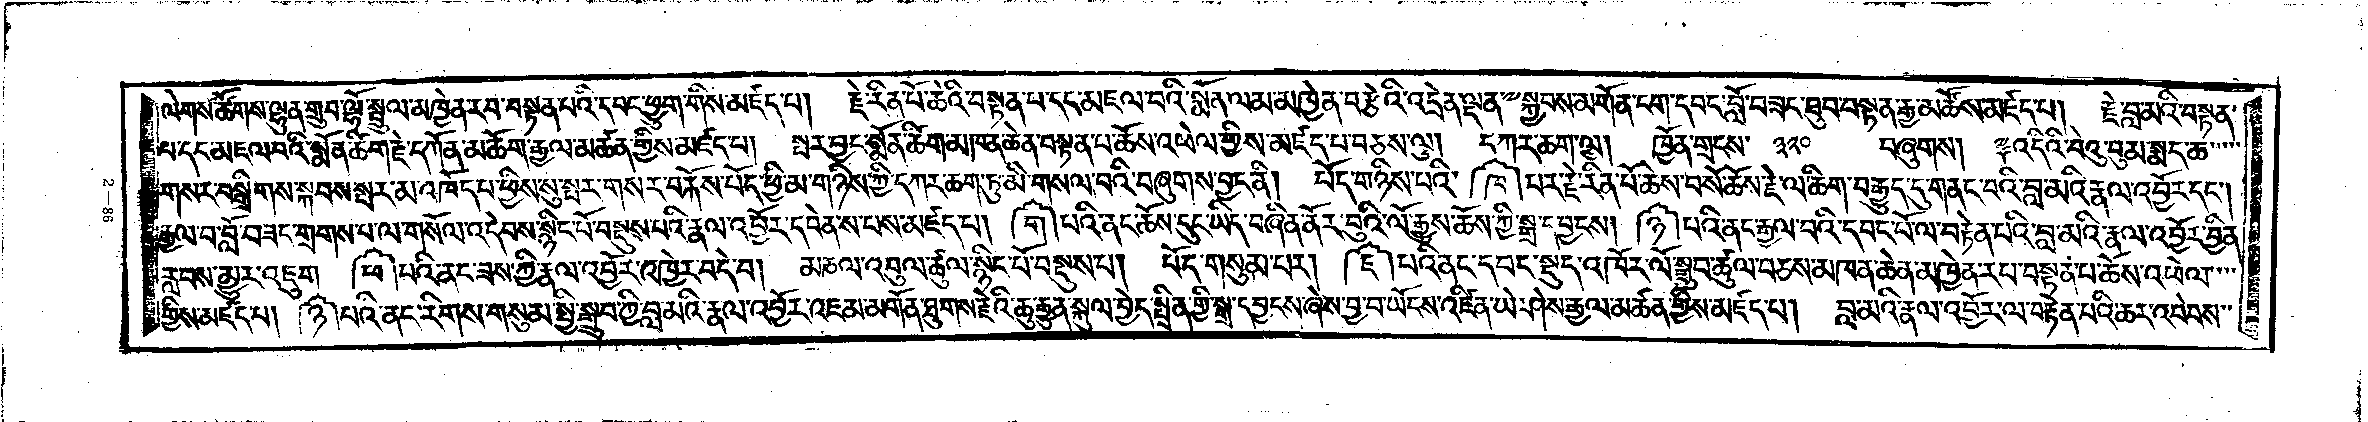ལེགས་ཚོགས་ལྷུན་གྲུབ་ལྷོ་སྦྲུལ་མཁྱེན་རབ་བསྟན་པའི་དབང་ཕྱུག་གིས་མཛད་པ། རྗེ་རིན་པོ་ཆེའི་བསྟན་པ་དང་མཇལ་བའི་སྨོན་ལམ་མཁྱེན་བརྩེའི་འདྲེན་ལྡན ༧སྐྱབས་མགོན་ངག་དབང་བློ་བཟང་ཐུབ་བསྟན་རྒྱ་མཚོས་མཛད་པ། རྗེ་བླ་མའི་བསྟན་
པ་དང་མཇལ་བའི་སྨོན་ཚིག་རྗེ་དཀོན་མཆོག་རྒྱལ་མཚན་གྱིས་མཛད་པ། སྤར་བྱང་སྨོན་ཚིག་མཁན་ཆེན་བསྟན་པ་ཆོས་འཕེལ་གྱིས་མཛད་པ་བཅས་ལ། དཀར་ཆག་ལ། ཁྱོན་གྲངས ༣༢༠་བཞུགས། ༈ འདིའི་བེའུ་བུམ་སྨད་ཆ་
གསར་བསྒྲིགས་སྐབས་སྤར་མ་འཁོད་པ་ཕྱིས་སུ་སྤར་གསར་བརྐོས་པོད་ཕྱི་མ་གཉིས་ཀྱི་དཀར་ཆག་ཏུ་མི་གསལ་བའི་བཞུགས་བྱད་ནི། པོད་གཉིས་པའི ༼ཁ༽ པར་རྗེ་རིན་པོ་ཆེས་བ་སོ་ཆོས་རྗེ་ལ་ཆིག་བརྒྱུད་དུ་གནང་བའི་བླ་མའི་རྣལ་འབྱོར་དང་།
རྒྱལ་བ་བློ་བཟང་གྲགས་པ་ལ་གསོལ་འདེབས་སྙིང་པོ་བསྡུས་པའི་རྣལ་འབྱོར་དབེན་ས་པས་མཛད་པ། ༼ག༽ པའི་ནང་ཆོས་དུང་ཡིད་བཞིན་ནོར་བུའི་ལོ་རྒྱུས་ཆོས་ཀྱི་སྒྲ་དབྱངས། ༼ཉ༽ པའི་ནང་རྒྱལ་བའི་དབང་པོ་ལ་བརྟེན་པའི་བླ་མའི་རྣལ་འབྱོར་བྱིན་
རླབས་མྱུར་འཇུག ༼ཕ༽ པའི་ནང་ཟས་ཀྱི་རྣལ་འབྱོར་འཁྱེར་བདེ་བ། མཎྜལ་འབུལ་ཚུལ་སྙིང་པོ་བསྡུས་པ། པོད་གསུམ་པར། ༼ཇ༽ པའི་ནང་དབང་སྡུད་འཁོར་ལོ་སྒྲུབ་ཚུལ་བཅས་མཁན་ཆེན་མཁྱེན་རབ་བསྟན་པ་ཆོས་འཕེལ་
གྱིས་མཛད་པ། ༼ཉ༽ པའི་ནང་རིགས་གསུམ་སྤྱི་སྒྲུབ་ཀྱི་བླ་མའི་རྣལ་འབྱོར་འཇམ་མགོན་ཐུགས་རྗེའི་ཆུ་རྒྱུན་སྐུལ་བྱེད་སྤྲིན་གྱི་སྒྲ་དབྱངས་ཞེས་བྱ་བ་ཡོངས་འཛིན་ཡེ་ཤེས་རྒྱལ་མཚན་གྱིས་མཛད་པ། བླ་མའི་རྣལ་འབྱོར་ལ་བརྟེན་པའི་ཆར་འབེབས་